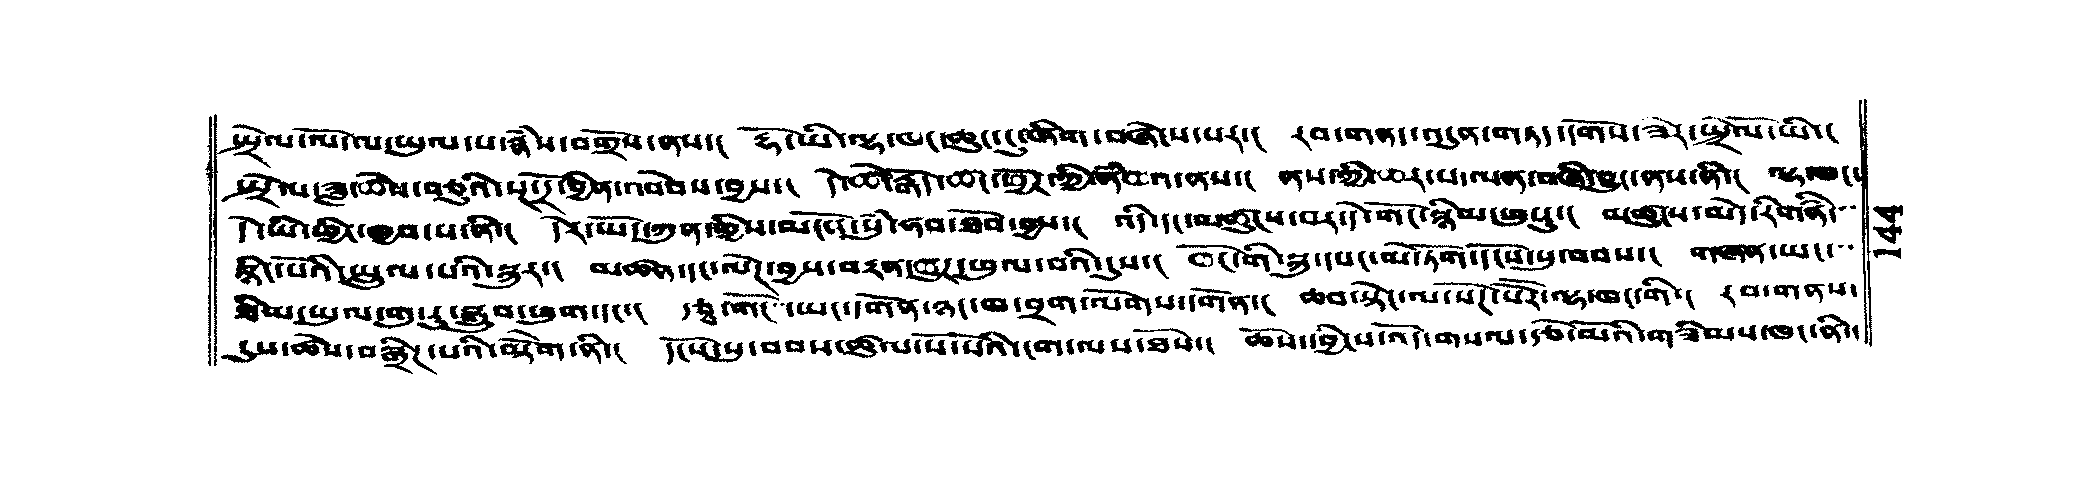སྤྲེལ་ལོ་ལ་ཡུལ་པ་རྣམས་བགྲོས་ནས། །རྡོ་ཡི་ལྷ་ཁང་ཆུང་ངུ་ཞིག་བཞེངས་པར། །རབ་གནས་འདུན་གཏད་དགོས་ཟེར་སྤྲེལ་ལོ་ཡི། །
སྤྲེལ་ཟླ་ཚེས་བཅུའི་སྔ་དྲོ་བྱིན་འབེབས་བྱས། །དེ་ཚེ་རྒོད་ཚང་ཕྱོགས་ཀྱི་ནམ་མཁའ་ནས། །ནས་ཀྱི་ཆར་པ་ལན་བཞི་བྱུང་ནས་ནི། །ལྷ་ཁང་
དེ་ཡི་ཕྱི་ནང་ཁྱབ་པ་ནི། །དེར་ཡོད་ཀུན་གྱིས་མངོན་སུམ་ཧབ་ཐོབ་བྱས། །འདི་དང་མཚུངས་བར་དེ་གོང་སྙིམ་ཕུ་རུ། །མཚུངས་མེད་རིག་འཛིན་
སྙིང་པོའི་སྤྲུལ་པའི་སྐུར། །མཚན་དང་ལེགས་བྱས་བརྟན་ཞུགས་ཕུལ་བའི་དུས། །ཁོང་གི་སྐུ་དཔང་མེ་ཏོག་དངོས་སུ་བབས། །གཞན་ཡང་
ཐིམ་ཡུལ་གུ་རུ་སྒྲུབ་ཕུག་དང་། །ཙཱ་གོང་ཡང་དགོན་ཉང་ཁ་བྲག་ལོགས་དགོན། །ཆབ་སྟེང་ལ་སོགས་སོ་སོར་ལྷ་ཁང་གི །རབ་གནས་
དུས་ཚེས་བསྒྲིགས་པའི་མེ་ཏོག་ནི། །དངོས་སུ་བབས་ཚུལ་སོ་སོའི་ངག་ལས་ཐོས། །ཆོས་དབྱིངས་འོད་གསལ་རྩེ་མོའི་གཟིམས་ཁང་ནི།